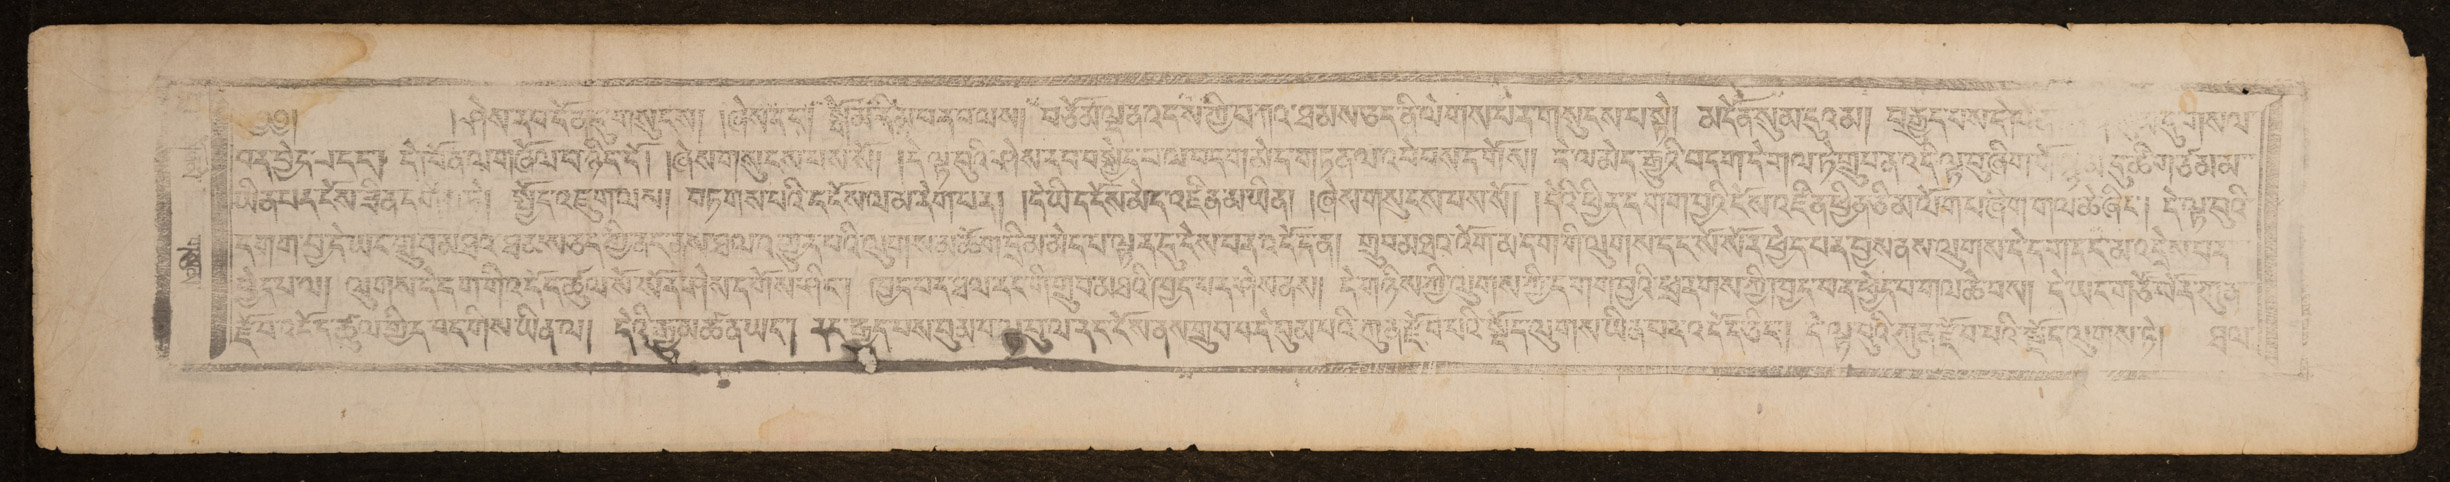༄༅། །ཤེས་རབ་དོན་དུ་གསུངས། །ཞེས་དང་། སྒོམ་རིམ་བར་བ་ལས། བཅོམ་ལྡན་འདས་ཀྱི་བཀའ་ཐམས་ཅད་ནི་ལེགས་པར་གསུངས་པ་སྟེ། མངོན་སུམ་དུའམ། བརྒྱུད་པས་དེ་ཁོ་ན་མངོན་སུམ་དུ་གསལ་
བར་བྱེད་པ་དང་། དེ་ཁོ་ན་ལ་གཞོལ་བ་ཉིད་དོ། །ཞེས་གསུངས་པས་སོ། །དེ་ལྟ་བུའི་ཤེས་རབ་བསྐྱེད་པ་ལ་བདག་མེད་གཏན་ལ་འབེབས་དགོས། དེ་ལ་མེད་རྒྱུའི་བདག་དེ་གལ་ཏེ་གྲུབ་ན་འདི་ལྟ་བུ་ཞིག་གོ་སྙམ་དུ་ཚིག་ཙམ་མ་
ཡིན་པར་ངོས་ཟིན་དགོས་ཏེ། སྤྱོད་འཇུག་ལས། བཏགས་པའི་དངོས་ལ་མ་རེག་པར། །དེ་ཡི་དངོས་མེད་འཛིན་མ་ཡིན། །ཞེས་གསུངས་པས་སོ། །དེའི་ཕྱིར་དགག་བྱའི་ངོས་འཛིན་ཕྱིན་ཅི་མ་ལོག་པ་ཞིག་གལ་ཆེ་ཞིང་། དེ་ལྟ་བུའི་
དགག་བྱ་དེ་ཡང་གྲུབ་མཐའ་ཐམས་ཅད་ཀྱི་ནང་ནས་ཐལ་འགྱུར་པའི་ལུགས་མཆོག་དྲི་མ་མེད་པ་ལྟར་དུ་ངེས་པར་འདོད་ན། གྲུབ་མཐའ་འོག་མ་དག་གི་ལུགས་དང་སོ་སོར་ཕྱེད་པར་བྱས་ནས་ལུགས་དེ་དག་དང་མ་འདྲེས་པར་
བྱེད་པ་ལ། ལུགས་དེ་དག་གི་འདོད་ཚུལ་སོ་སོར་ཤེས་དགོས་ཤིང་། ཁྱད་པར་ཐལ་རང་གི་གྲུབ་མཐའི་ཁྱད་པར་ཤེས་ནས། དེ་གཉིས་ཀྱི་ལུགས་ཀྱི་དགག་བྱའི་ཕྲ་རགས་ཀྱི་ཁྱད་པར་ཕྱེད་པ་གལ་ཆེ་བས། དེ་ཡང་གཙོ་བོར་ཀུན་
རྫོབ་འདོད་ཚུལ་གྱི་དབང་གིས་ཡིན་ལ། དེའི་རྒྱུ་མཚན་ཡང་། རང་རྒྱུད་པས་བུམ་པ་ལྟ་བུ་ལ་རང་ངོས་ནས་གྲུབ་པ་དེ་བུམ་པའི་ཀུན་རྫོབ་པའི་སྡོད་ལུགས་ཡིན་པར་འདོད་ཅིང་། དེ་ལྟ་བུའི་ཀུན་རྫོབ་པའི་སྡོད་ལུགས་ཏེ། ཐལ་